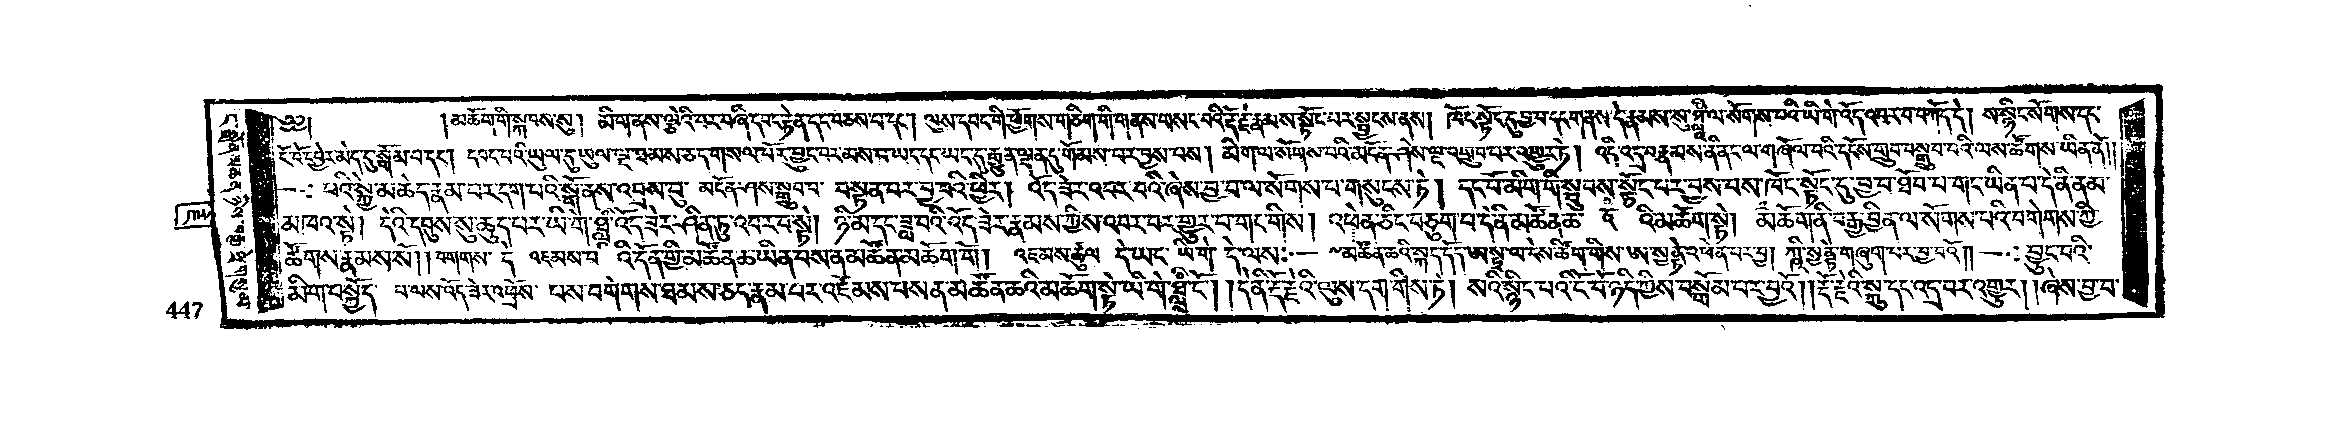༄༅། །མཆོག་གི་སྐབས་སུ། མིག་ནས་ལྕེའི་བར་བཞི་དབང་རྟེན་དང་བཅས་པ་དང་། ལུས་དབང་གི་ཕྱོགས་གཅིག་གི་གནས་གསང་བའི་རྡོ་རྗེ་རྣམས་སྟོང་བར་སྦྱངས་ནས། ཁོང་སྟོང་དུ་བྱ་བ་དང་གནས་དེ་རྣམས་སུ་ཐཾལཱི་ལ་སོགས་པའི་ཡི་གེ་འོད་འབར་བ་བཀོད་དེ། ས་སྙིང་སོགས་དང་
ངོ་བོ་དབྱེར་མེད་དུ་སྒོམ་པ་དང་། དབང་བའི་ཡུལ་དུ་ཡུལ་ལྔ་ཐམས་ཅད་གསལ་པོར་བྱུང་བར་མས་པ་ཡང་དང་ཡང་དུ་རྒྱུན་ལྡན་དུ་གོམས་པར་བྱས་པས། མི་ཀ་ལ་སོགས་པའི་མངོན་ཤེས་ལྔ་འགྲུབ་པར་འགྱུར་ཏེ། འདི་འདྲ་བ་རྣམས་ནི་ནང་ལ་གཞོལ་བའི་དངོས་གྲུབ་བསྒྲུབ་པའི་ལས་ཚོགས་ཡིན་ནོ།།
.H པའི་སྐྱེ་མཆེད་རྣམ་པར་དག་པའི་སྒོ་ནས་འབྲས་བུ་མངོན་ཤས་སྒྲུབ་པ་བསྟན་པར་བྱ་བའི་ཕྱིར། འོད་ཟེར་འབར་བའི་ཞེས་བྱ་བ་ལ་སོགས་པ་གསུངས་ཏེ། དང་པོ་མིག་གི་སྦུབས་སྟོང་པར་བྱས་པས་ཁོང་སྟོང་དུ་བྱ་བ་ཐོབ་པ་གང་ཡིན་པ་དེ་ནི་ནམ་
མཁའ་སྟེ། དེའི་དབུས་སུ་ཆུད་པར་ཡི་གེ་ཐཾལཱི་འོད་ཟེར་ཤིན་ཏུ་འབར་བ་སྟེ། ཉི་མ་དང་ཟླ་བའི་འོད་ཟེར་རྣམས་ཀྱིས་འབར་བར་གྱུར་བ་གང་གིས། འཕེན་ཅིང་བཅུག་པ་དེ་ནི་མཚོན་ཆའོ་འི་མཆོག་སྟེ། མཆོག་ནི་བརྒྱ་བྱིན་ལ་སོགས་པའི་བགེགས་ཀྱི་
ཚོགས་རྣམས་སོ། ། བགསགས་དེ་འཇམ་པའི་དོན་གྱི་མཚོན་ཆ་ཡིན་པས་ན་མཚོན་མཆོག་གོ །འཇམས་ཚུལ་དེ་ཡང་ཡི་གེ་དེ་ལས་H.་༧མཚོན་ཆའི་སྐད་དོད་ཨསྟྲ་ལ་ངེས་ཚིག་གིས་ཨ་སཡནྟི་འཕེན་པར་བྱ། ཀྵི་སཡནྟེ་གཞུགས་པར་བྱའོ།། .H བྱུང་བའི་
མིག་བསྐྱོད་པ་ལས་འོད་ཟེར་འཕྲོས་པས་བགེགས་ཐམས་ཅད་རྣམ་པར་འཇོམས་པས་ན་མཚོན་ཆའི་མཆོག་སྟེ་ཡི་གེ་ཐཾལཱི་ངོ། །དེ་ནི་རྡོ་རྗེའི་ལུས་དག་གིས་ཏེ། སའི་སྙིང་བའི་ངོ་བོ་ཉིད་ཀྱིས་བསྒོམ་པར་བྱའོ། །རྡོ་རྗེའི་སྐུ་དང་འདྲ་བར་འགྱུར། །ཞེས་བྱ་བ་